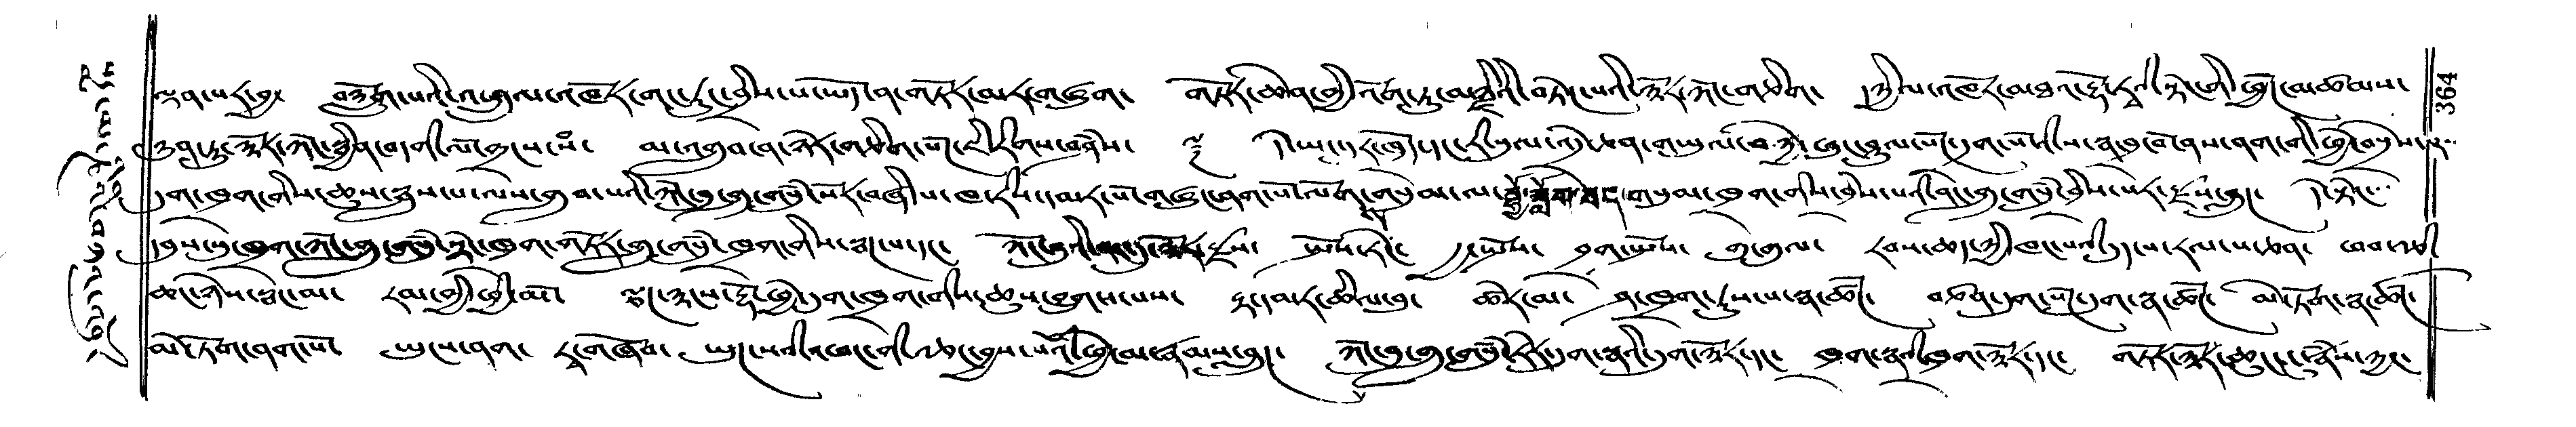ལྡན་པར་བྱ། བཟློག་པའི་འཕྲུལ་འཁོར་གང་རུང་བྲིས་ཡོད་ན་གཏོར་མར་གཞུག གཏོར་ཆེན་གྱི་འོག་ཏུ་མཉྫིས་བཏེགས་པའི་ཟོར་ཀོང་གཅིག དཀྱིལ་འཁོར་གྱི་མཐའ་རྡོ་རྭའི་སྟེང་གི་ཕྱོགས་མཚམས་
ཀུན་ཏུ་ཟོར་ཀོང་སྦྱིན་བདག་གི་ལོ་གྲངས་སམ། མ་འགྲུབ་ན་ཉེར་གཅིག་སོགས་ཇི་རིགས་བཤམ། དེ་ཡང་དུར་ཁྲོད་དང་རི་སུལ་འདྲེ་ཅན་གཡུལ་བཀྱེ་ཕུང་ཤུལ་སོགས་དྲག་པོའི་ས་སྣ། བྲ་བོ་ནས་ནག་གི་ཕྱེ་བསྲེས་པར་
དུག་ཁྲག་གིས་ཆུས་སྦྲུས་པ་ལས་གྲུབ་པའི་ཀོང་བུ་གྲུ་གསུམ་སོར་བཞི་པ་ཁ་རིས་དམར་པོ་གཞུང་ནག་པོ་ལོགས་གསུམ་ལ་བྷྱོ་ཟློག་རྦད་གསུམ་ཁྲག་གིས་བྲིས་པའི་ནང་རྫས་བླུགས། དེ་སྟེང་
དབུས་སུ་ཁྲག་ཀོང་གྲུ་གསུམ་སྟེང་ཁྲག་གཏོར་གྲུ་གསུམ་ཁྲག་གིས་སྦགས་པ་དང་། ཀོང་བུའི་ནང་དུ་ཟོར་རྫས། སྤོས་རིང་། རྒྱ་སྤོས། བྲག་སྤོས། གུ་གུལ། རབས་ཆད་ཀྱི་ཁང་པའི་དུད་པ་རལ་པ་ཅན། ཕབ་རྩི། 
ཆང་ཉེས་སྦང་མ། རམ་གྱི་ཕྱི་མོ། ལྕགས་ཟངས་རྡོ་ཕྱེར་དུག་ཁྲག་གིས་ཆུས་བྱུགས་པ། རྟ་དམར་ཚིལ། ཚེར་མ། ཤ་ཁྲག་རུས་པ་སྣ་ཚོགས། བཙན་དུག་སོགས་དུག་སྣ་ཚོགས། མེ་ཏོག་སྣ་ཚོགས།
མེ་ཏོག་ནག་པོ། ཡུངས་ནག རྭ་གཞོབ། ཡུགས་སའི་འཕང་གི་རྩང་བྱས་པའམ་ཕྱེ་མ་རྣམས་བླུག ཀོང་བུ་གྲུ་གསུམ་རེར་དུག་སྣའི་དུག་ཟོར་དང་། ཁྲག་སྣའི་ཁྲག་ཟོར་དང་། གཏོར་ཟོར་ཆུང་ངུ་རྣམས་ཀྱང་